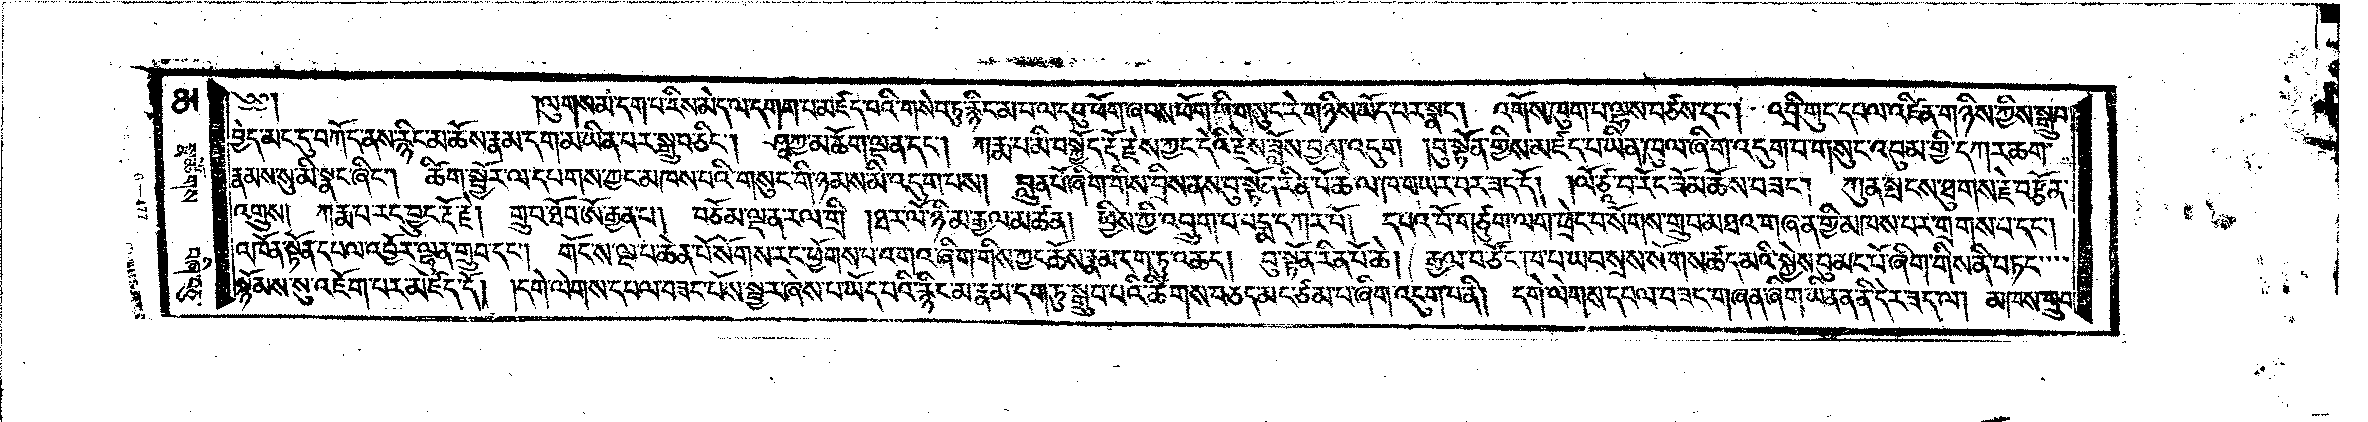༄༅། །ལུགས་མ་དག་པ་རིས་མེད་ལ་དགག་པ་མཛད་བའི་གསེབ་ཏུ་རྙིང་མ་པ་ལ་དབུ་ཕོག་ཞབས་ཕོག་གི་གསུང་རེ་གཉིས་ཡོད་པར་སྣང་། འགོས་ཁུག་པ་ལྷས་བཙས་དང་། འབྲི་གུང་དཔལ་འཛིན་གཉིས་ཀྱིས་སྒྲུབ་
བྱེད་མང་དུ་བཀོད་ནས་རྙིང་མ་ཆོས་རྣམ་དག་མ་ཡིན་པར་སྒྲུབ་ཅིང་། ཤཱཀྱ་མཆོག་ལྡན་དང་། ཀརྨ་པ་མི་བསྐྱོད་རྡོ་རྗེས་ཀྱང་དེའི་རྗེས་ཟློས་བྱས་འདུག །བུ་སྟོན་གྱིས་མཛད་པ་ཡིན་ཁུལ་ཞིག་འདུག་པ་གསུང་འབུམ་གྱི་དཀར་ཆག་
རྣམས་སུ་མི་སྣང་ཞིང་། ཚིག་སྦྱོར་ལ་དཔགས་ཀྱང་མཁས་པའི་གསུང་གི་ཉམས་མི་འདུག་པས། བླུན་པོ་ཞིག་གིས་བྲིས་ནས་བུ་སྟོན་རིན་པོ་ཆེ་ལ་ཁ་གཡར་བར་ཟད་དོ། །ལོ་ཙཱ་བ་རོང་ཟོམ་ཆོས་བཟང་། ཀུན་སྤངས་ཐུགས་རྗེ་བརྩོན་
འགྲུས། ཀརྨ་པ་རང་བྱུང་རྡོ་རྗེ། གྲུབ་ཐོབ་ཨོ་རྒྱན་པ། བཅོམ་ལྡན་རལ་གྲི་།ཐར་ལོ་ཉི་མ་རྒྱལ་མཚན། ཕྱིས་ཀྱི་འབྲུག་པ་པདམ་དཀར་པོ། དཔའ་བོ་གཙུག་ལག་ཕྲེང་བ་སོགས་གྲུབ་མཐའ་གཞན་གྱི་མཁས་པར་གྲགས་པ་དང་།
འཁོན་སྟོན་དཔལ་འབྱོར་ལྷུན་གྲུབ་པ་དང་། གོང་ས་ལྔ་པ་ཆེན་པོ་སོགས་རང་ཕྱོགས་པ་འགའ་ཞིག་གིས་ཀྱང་ཆོས་རྣམ་དག་ཏུ་འཆད། བུ་སྟོན་རིན་པོ་ཆེ། རྒྱལ་བ་ཙོང་ཁ་པ་ཡབ་སྲས་སོགས་ཚད་མའི་སྐྱེས་བུ་མང་པོ་ཞིག་གིས་ནི་བཏང་
སྙོམས་སུ་འཇོག་པར་མཛད་དོ། །དགེ་ལེགས་དཔལ་བཟང་པོས་སྦྱར་ཞེས་པ་ཡོད་པའི་རྙིང་མ་རྣམ་དག་ཏུ་སྒྲུབ་པའི་ཚིགས་བཅད་མང་ཙམ་པ་ཞིག་འདུག་པ་ནི། དགེ་ལེགས་དཔལ་བཟང་གཞན་ཞིག་ཡིན་ན་ནི་དེར་ཟད་ལ། མཁས་གྲུབ་